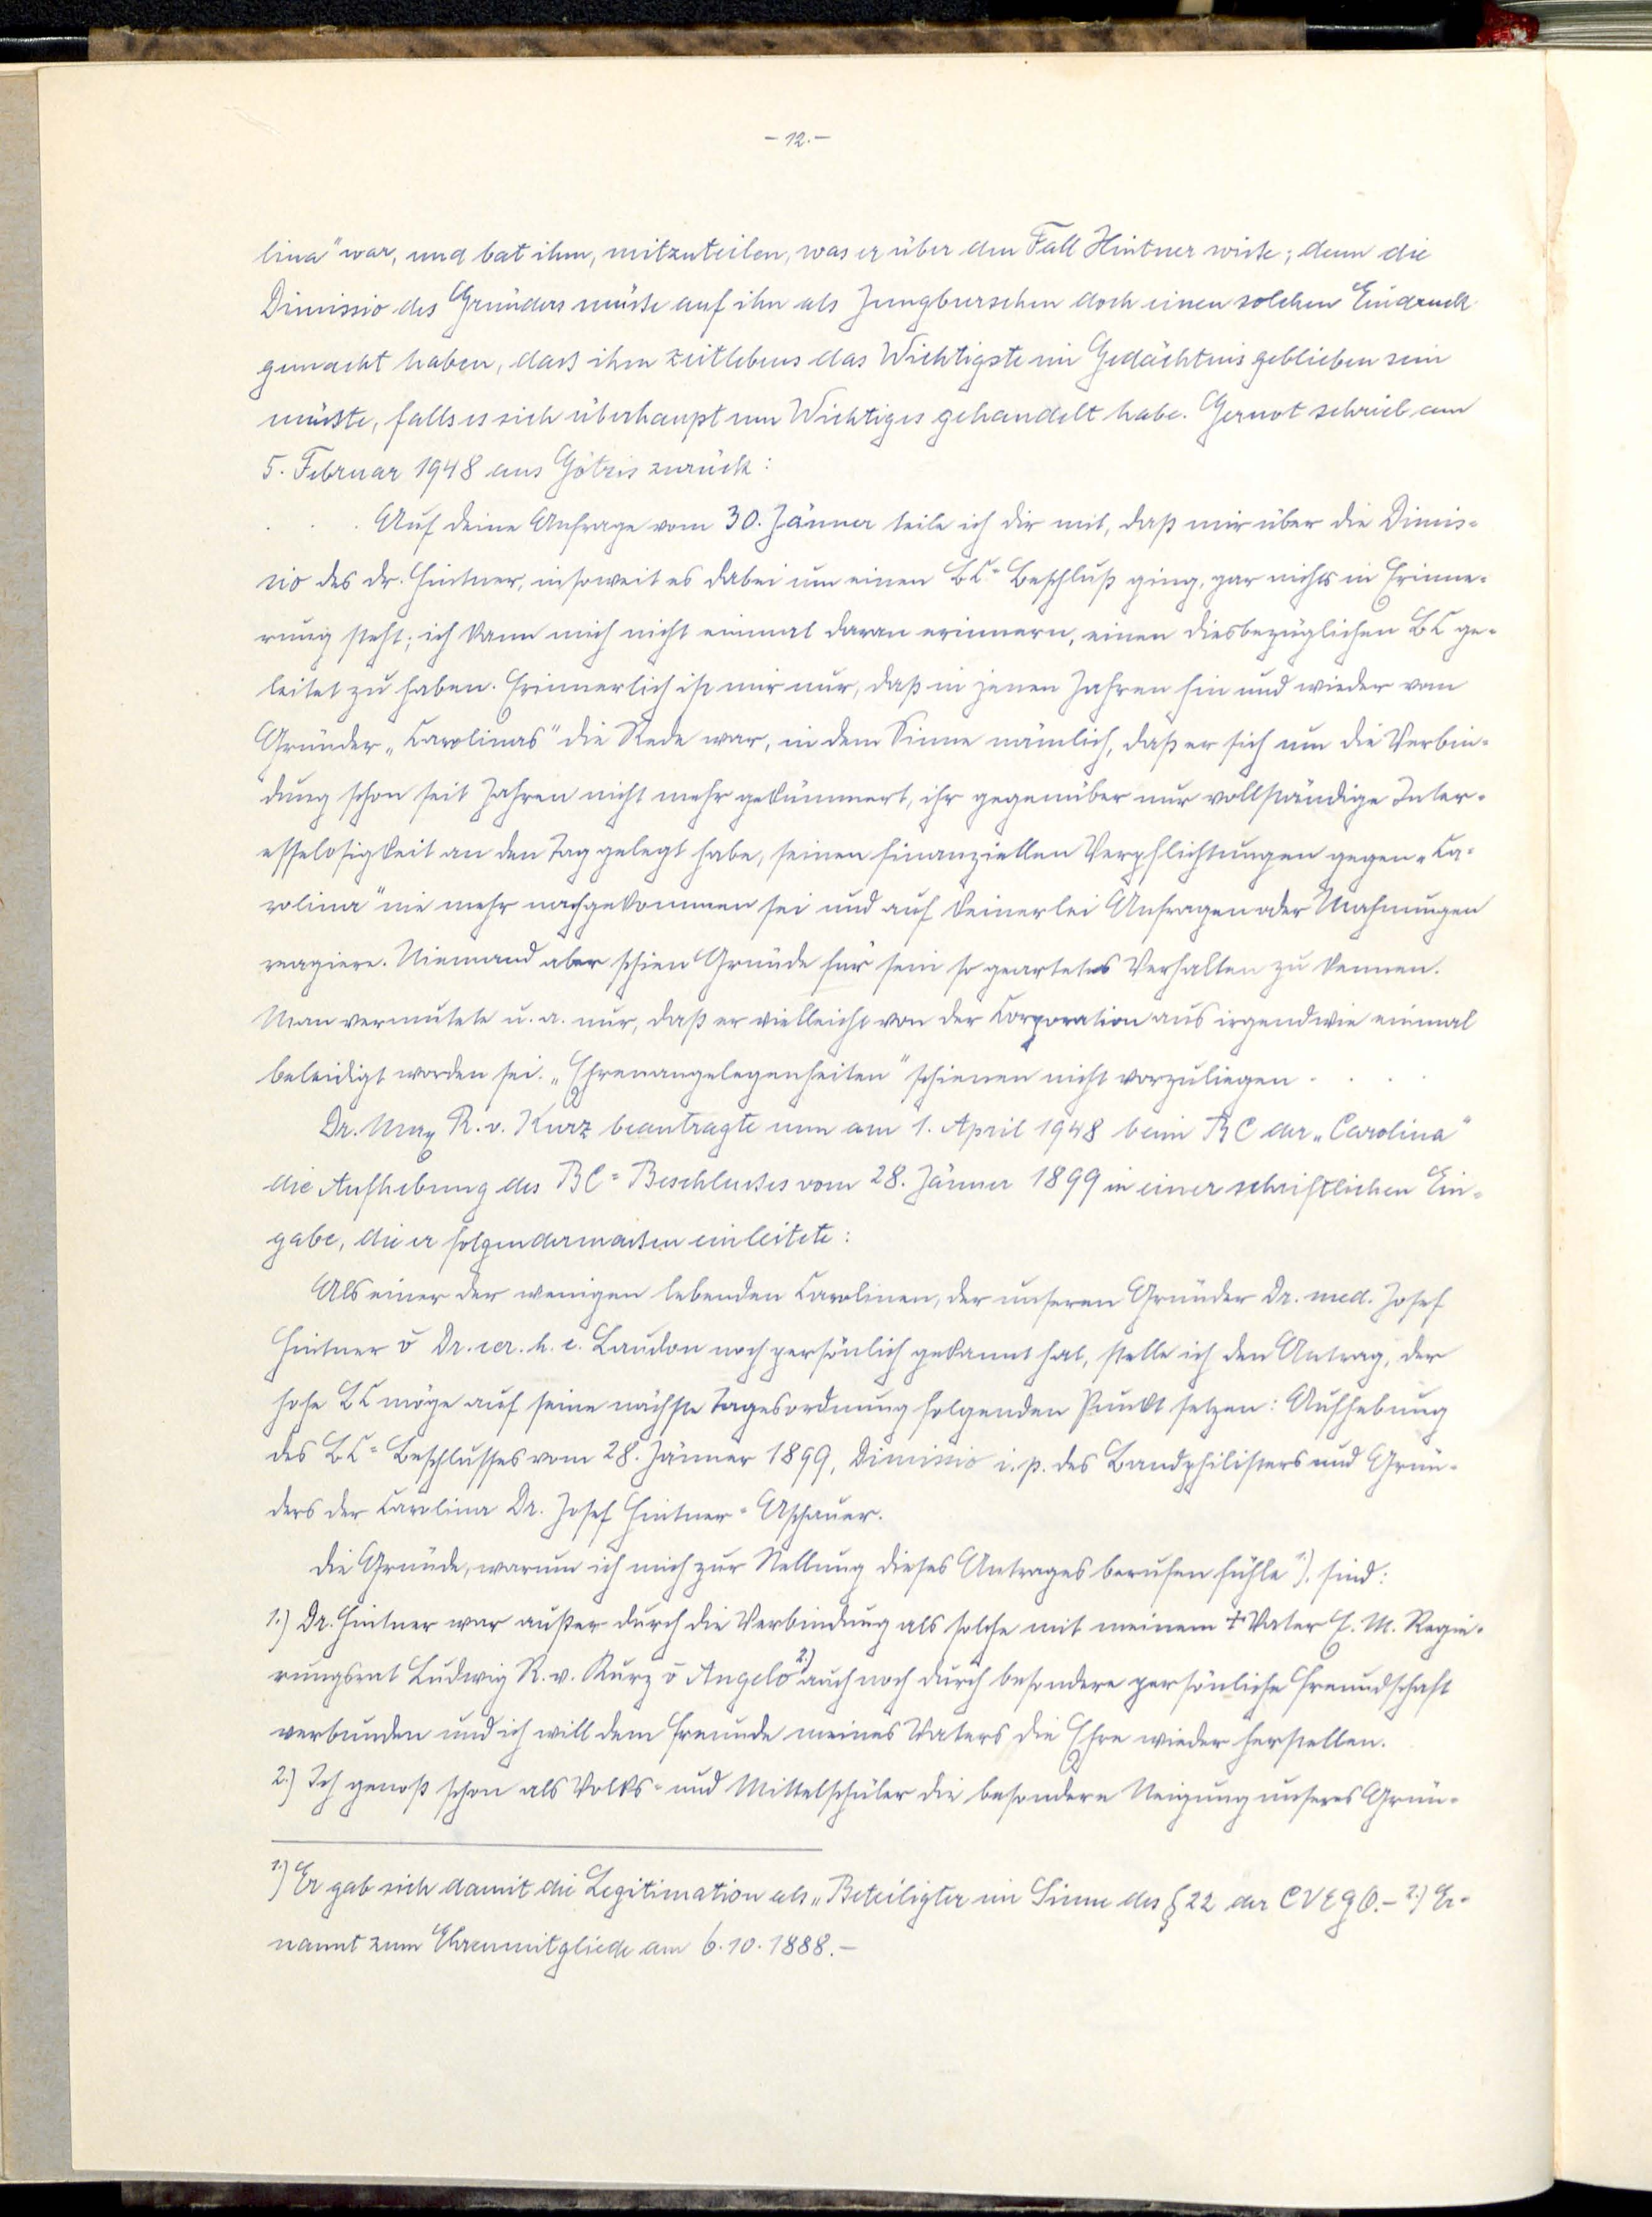12.
lina" war, und bat ihm, mitzuteilen, was er über den Fall Hintners wisse, denn die
Dimissio des Gründer müsste auf ihn als Jungburschen dich einen solchen Eindruck
gemacht haben, dass ihm zeitlebens das Wichtigste im Gedächtnis geblieben sein
müsste, falls es sich überhaupt um Wichtiges gehandelt habe. Gernot schrieb am
5. Februar 1948 aus Götzis zurück:
Auf deine Anfrage vom 30. Jänner teile ich dir mit, daß mir über die Dimis-
sio des Dr. Hintner, insoweit es dabei um einen BC-Beschluß ging, gar nichts in Erinn-
erung steht; ich kann mich nicht einmal daran erinnern, einen diesbezüglichen BC ge-
leitet zu haben. Erinnerlich ist mir nur, daß in jenen Jahren hin und wieder vom
Gründer "Carolinas" die Rede war, in dem Sinne möglich, daß er sich um die Verbin-
dung schon seit Jahren nicht mehr gekümmert, ihr gegenüber nur nur vollständige Inter-
esselosigkeit an den Tag gelegt habe, seinen finanziellen Verpflichtungen gegen "Ca-
rolina" nie mehr nachgekommen sei und auf keinerlei Anfragen oder Mahnungen
reagiere. Niemand aber schien Gründe für sein so geartetes Verhalten zu kennen.
Man vermutete u. a. nur, daß er vielleicht von der Corporation aus irgendwie einmal
beleidigt worden sei. "Ehrangelegenheiten" schienen nicht vorzuliegen.
Dr. Max R. von Kurz beantragte nun am 1. April 1948 beim BC der "Carolina"
die Aufhebung des BC-Beschlusses vom 28. Jänner 1899 in einer schriftlichen Ein-
gabe, die er folgendermaßen einleitete:
Als einer der wenigen lebenden Carolinen, die unseren Gründer Dr. med. Josef
Hintner v/o Dr. cer. h. c. Laudon noch persönlich gekannt hat, stelle ich den Antrag, der
hohe BC möge auf seine nächste Tafesordnung folgenden Punkt setzen: Aufhebung
des BC-Beschlusses vom 28. Jänner 1899, Dimissio i. p. des Bandphilisters und Grün-
ders der Carolina Dr. Josef Hintner-Aschauer.
Die Gründe, warum ich mich zur Stellung dieses Antrages berufen fühle 1.) sind:
1.) Dr. Hintner war außer durch die Verbindung als solche mit meinem Vater E. M. Regie-
rungsrat Ludwig R. v. Kurz v/o Angelo 2.) auch noch durch besondere persönliche Freundschaft
verbunden und ich will dem Freunde meines Vaters die Ehre wieder herstellen.
2.) Ich genoß schon als Volks- und Mitteschüler die besondere Neigung unseres Grün-
1.) Er gab sich damit die Legitimation als "Beteiligter" im Sinne des §22 der CVEGO.- 2.) Er-
nannt zum Ehrenmitglied am 6. 10. 1888.-